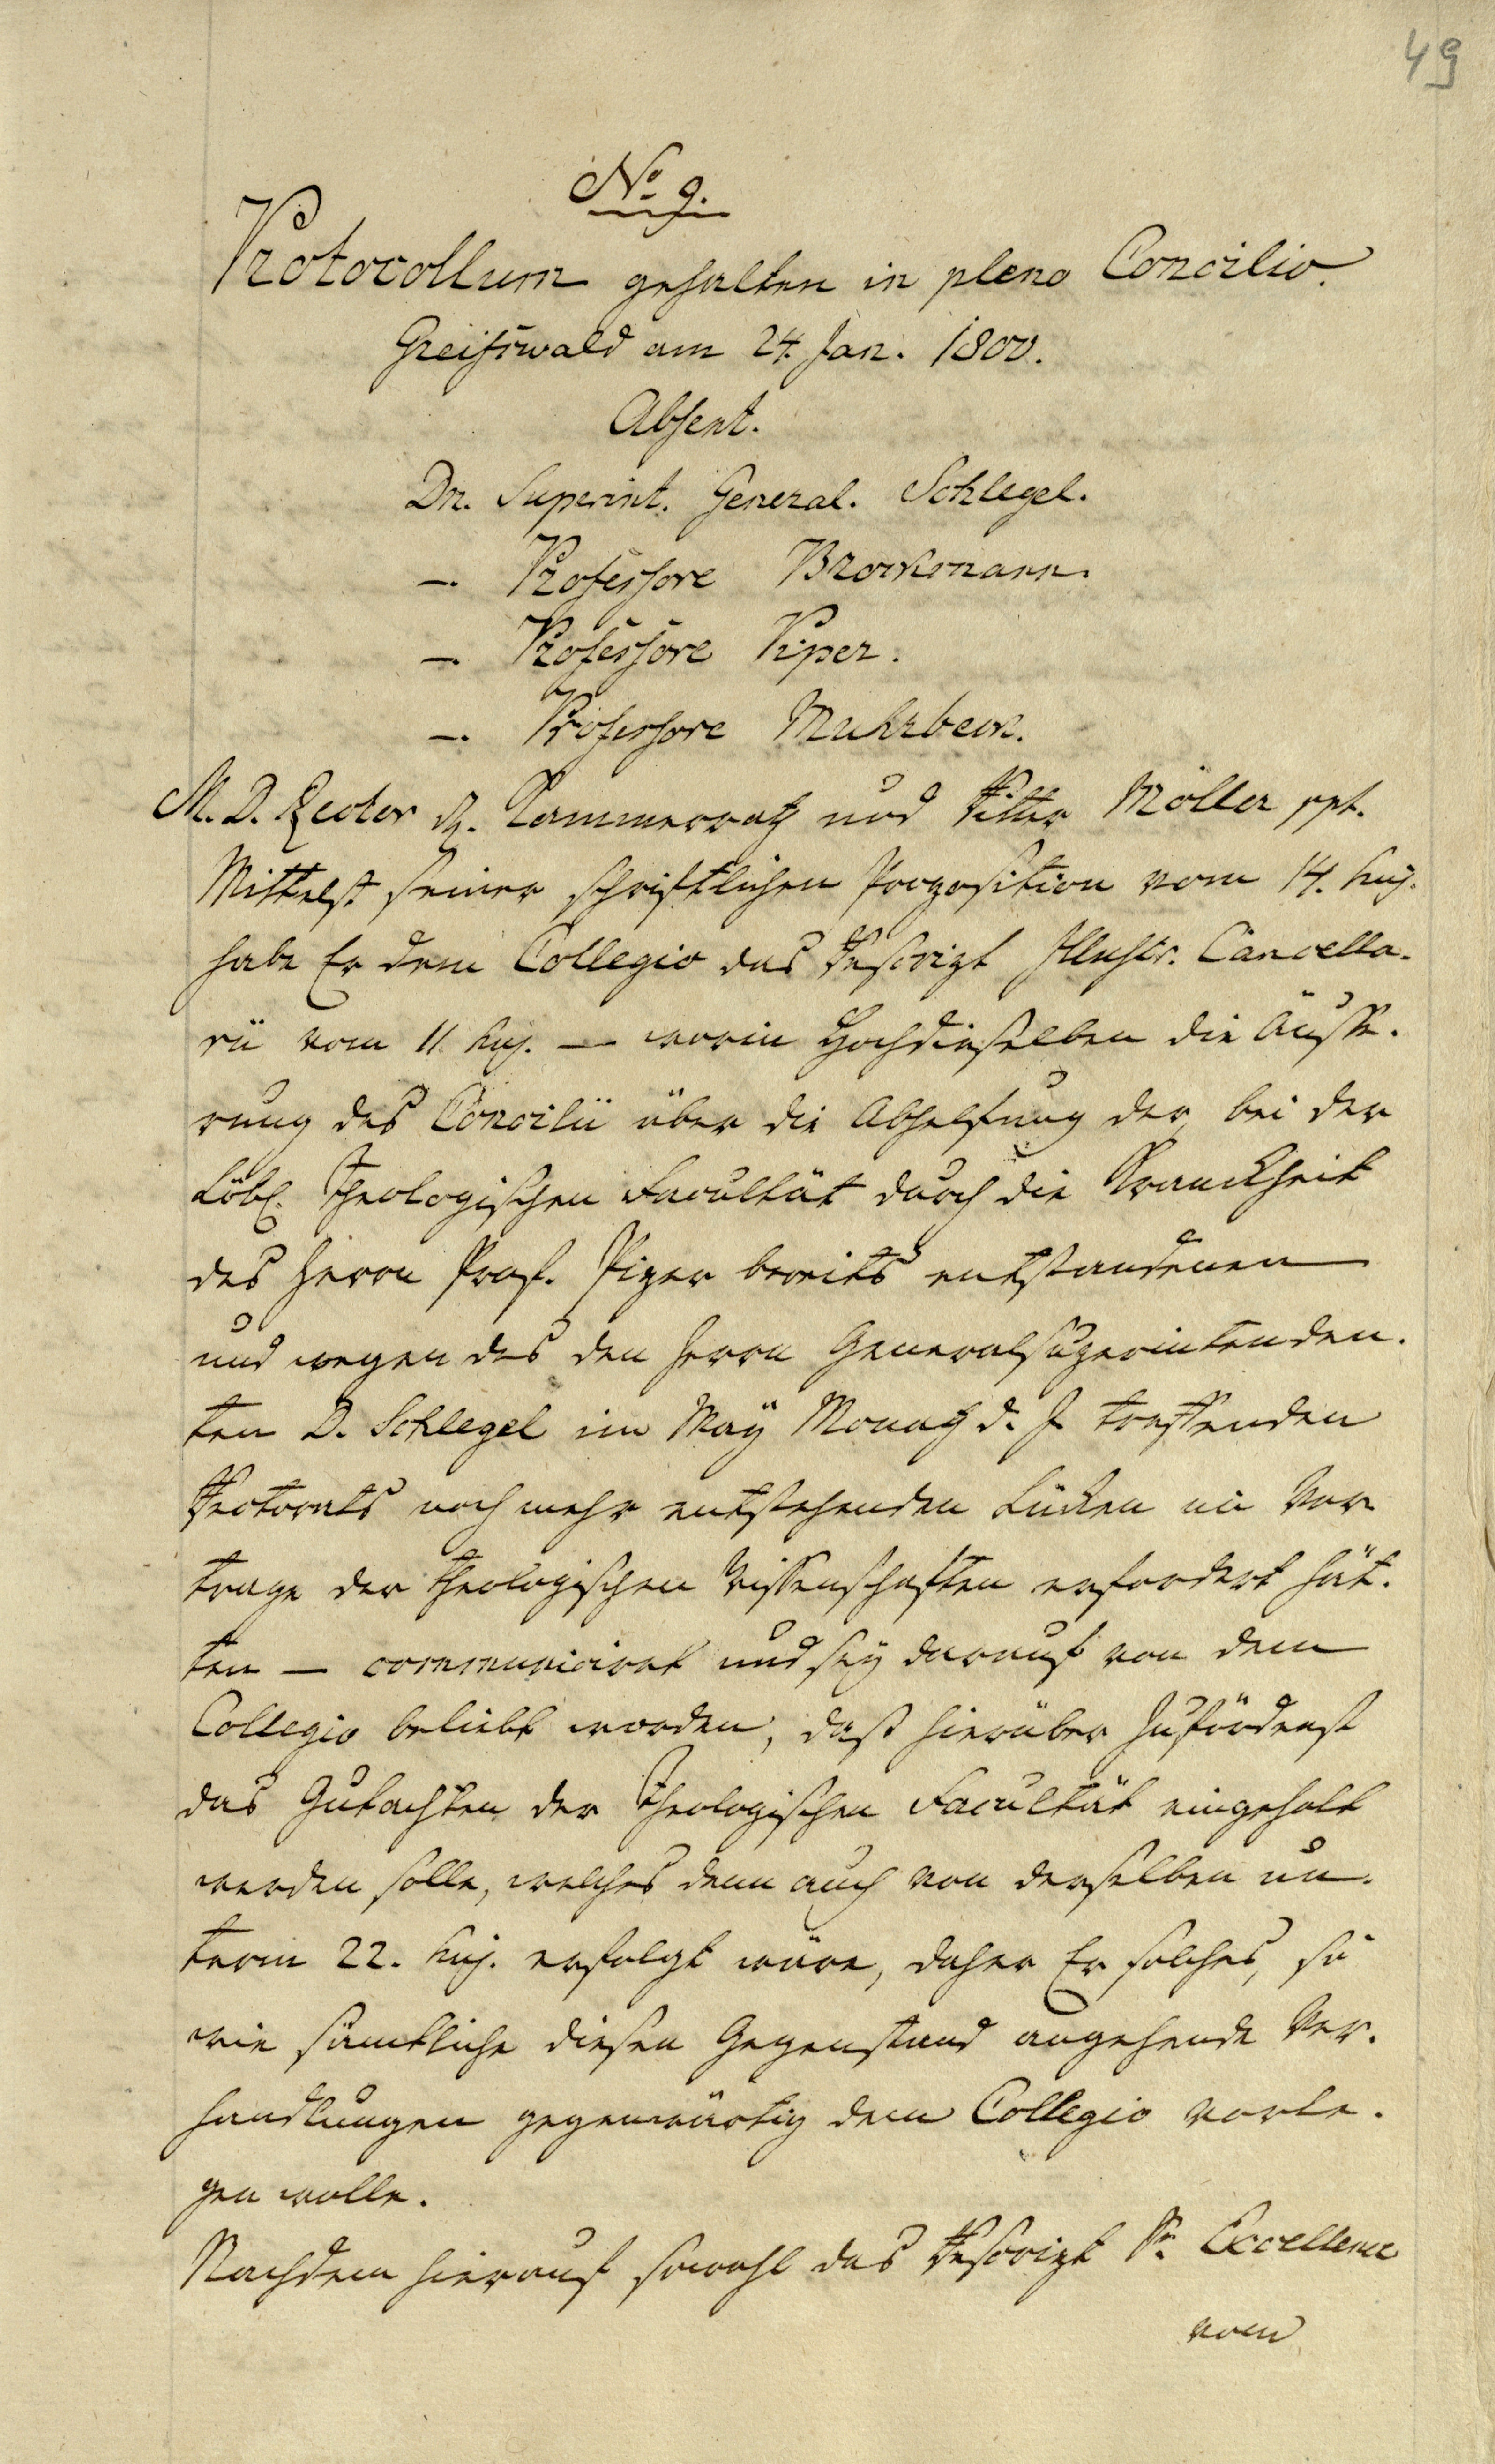No 9.
Protocollum gehalten in pleno Concilio.
Greifswald am 24 Jan. 1800.
Absent.
Dn. Superint. General. Schlegel.
Professore Brockmann.
Professore Piper.
Professore Muhrbeck.
M. D. Rector dh. Kammerrath und Ritter Möller ppt.
Mittelst seiner schriftlichen Proposition vom 14. huj.
habe Er dem Collegio das Rescript Illustr. Cancella¬
rii vom 11 huj. worin Hochdieselben die Äusse¬
rung des Concilii über die Abhelfung der bei der
Löbl. Theologischen Facultät durch die Kranckheit
des Herrn Prof. Piper bereits entstandenen
und wegen des den Herrn Generalsuperintenden¬
ten D. Schlegel im Maÿ Monath d. J. treffenden
Rectorats noch mehr entstehenden Lücken in Vor¬
trage der Theologischen Wissenschaften erfordert hät¬
ten communiciret und seÿ darauf vom dem
Collegio beliebt worden, daß hierüber zuförderst
das Gutachten der Theologischen Facultat eingeholt
werden solle, welches den auch von derselben un¬
term 22. huj. erfolgt wäre, daher Er solches, so
wie sämtliche diesen Gegenstand angehende Ver¬
handlungen gegenwärtig dem Collegio vorle¬
gen wolle.
Nachdem hierauf sowohl das Rescripts Sr. Excellence
vom